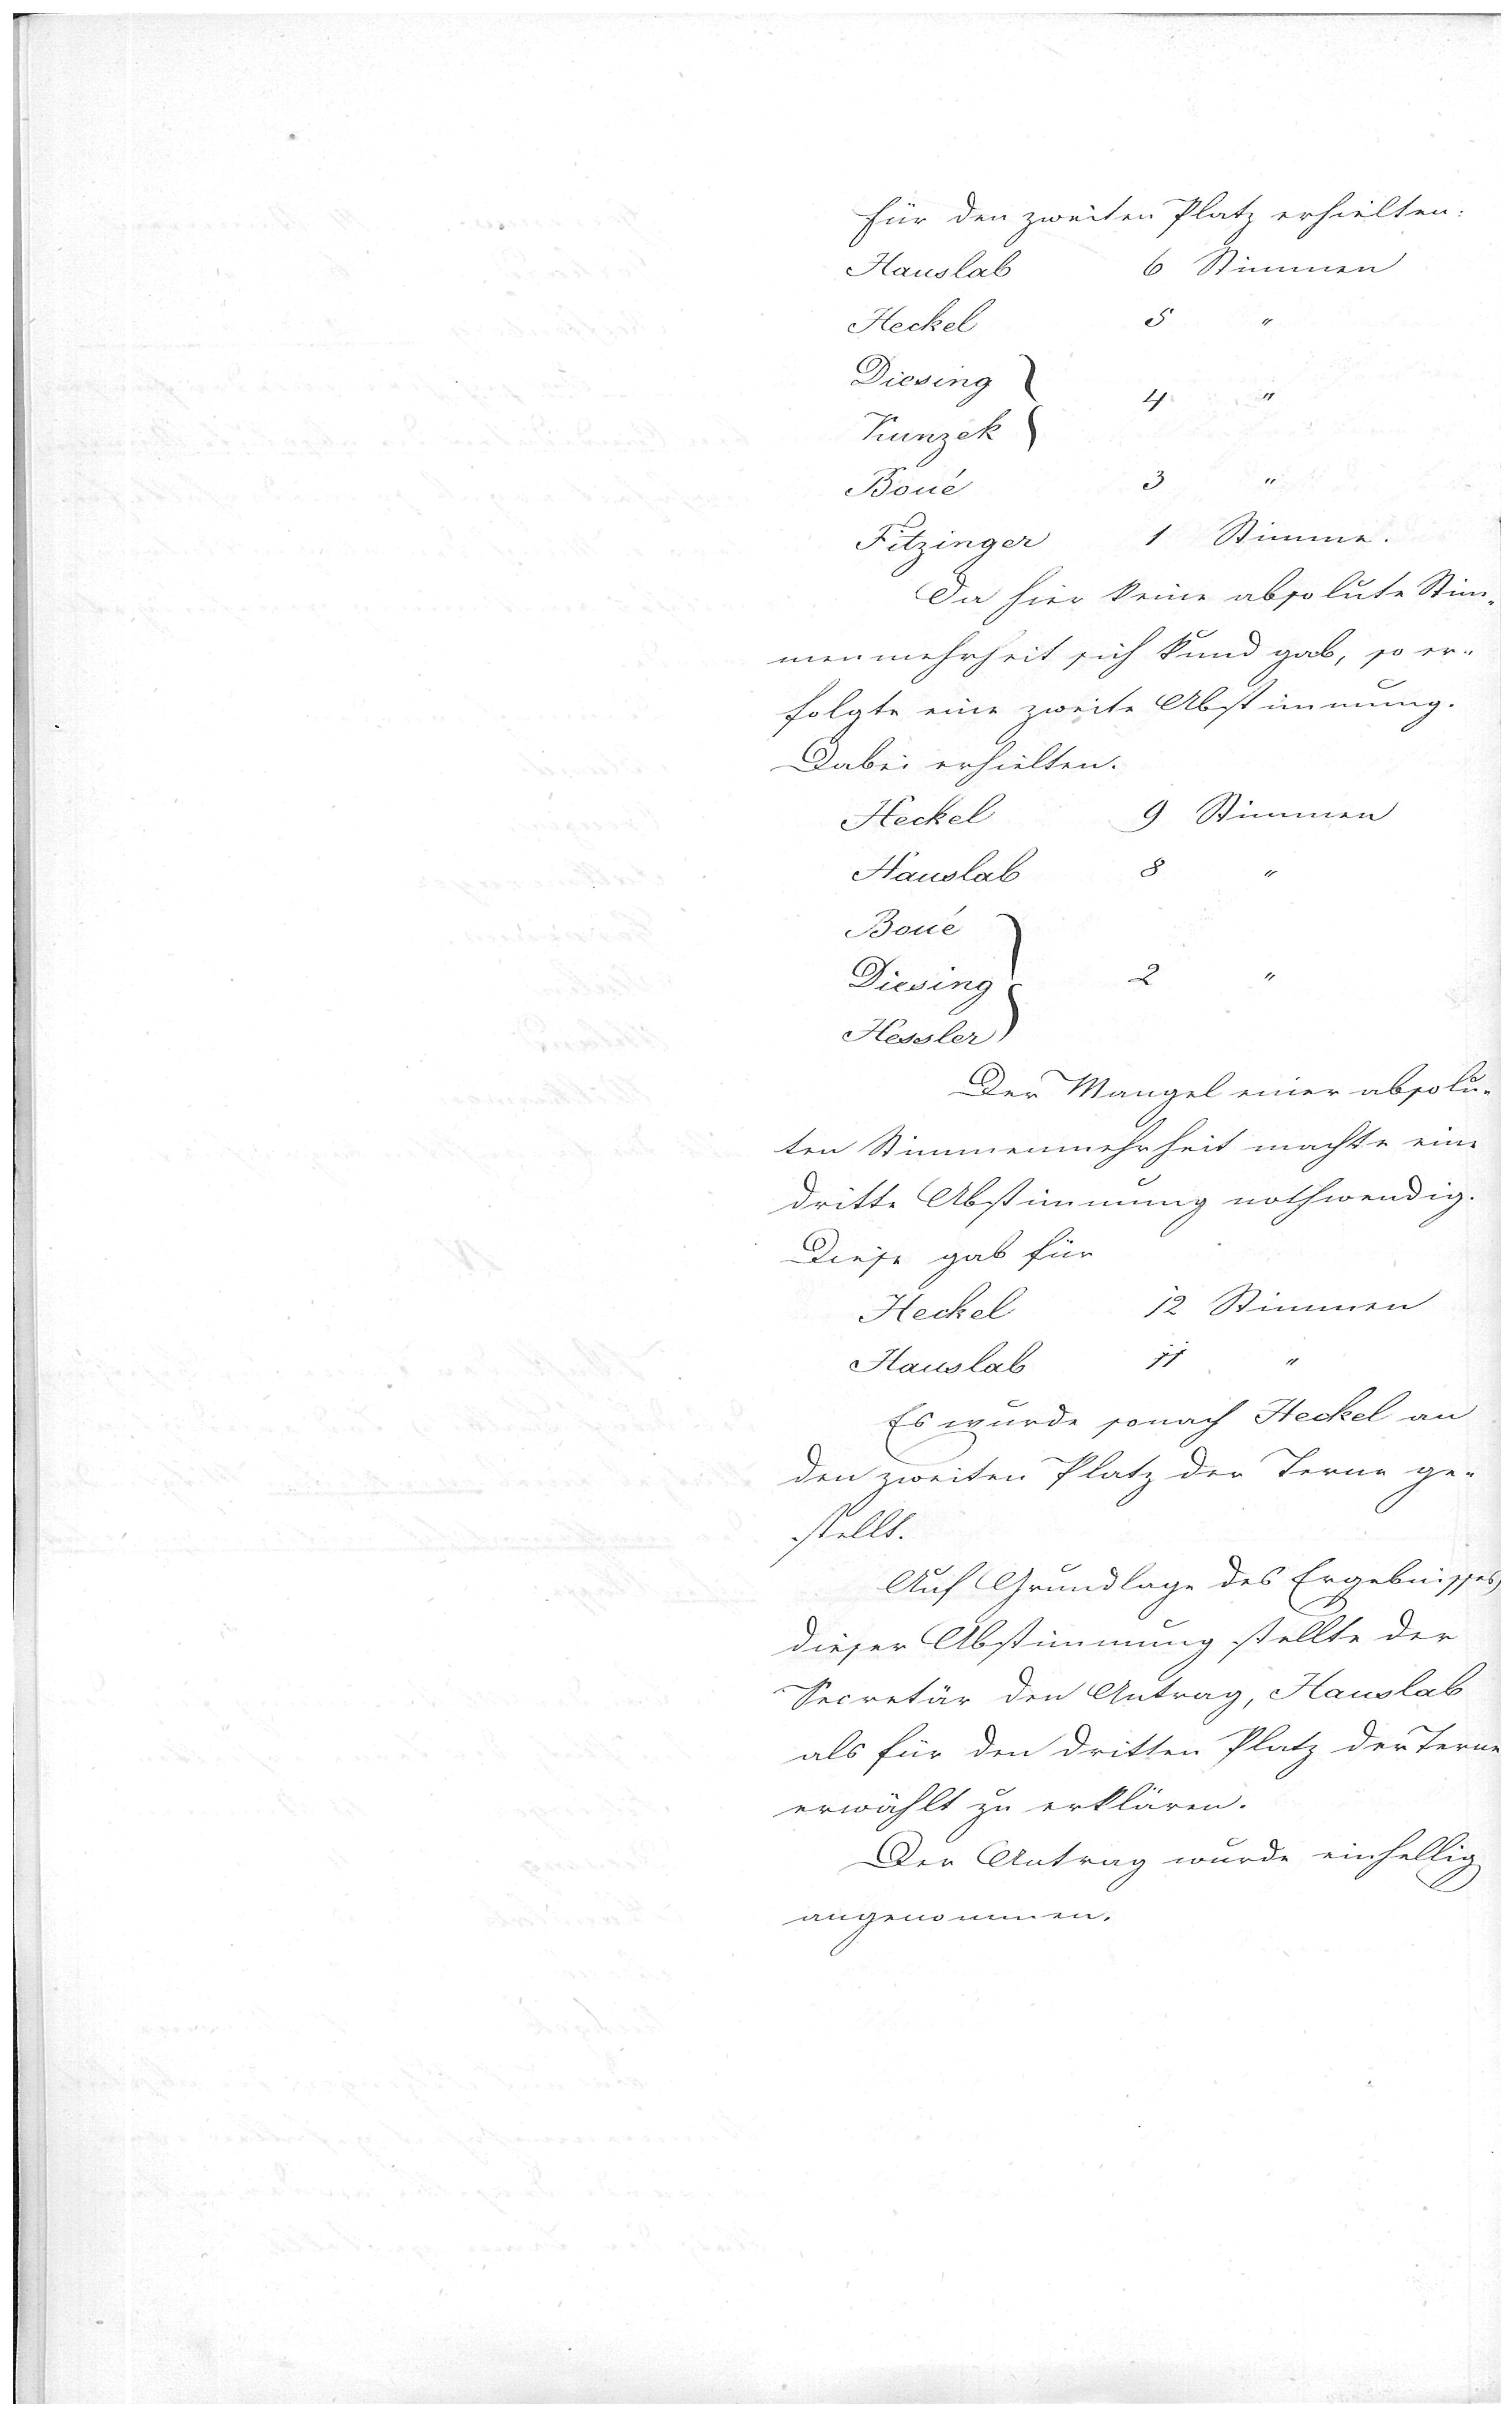Für den zweiten Platz erhielten:
Hauslab 6 Stimmen
Heckel 5 "
Diesing 4 "
Kunzek 4 "
Boué 3 "
Fitzinger 1 Stimme
Da hier keine absolute Stim-
menmehrheit sich kund gab, so er-
folgte eine zweite Abstimmung.
Dabei erhielten.
Heckel. 9 Stimmen
Hauslab 8 "
Boué 2"
Diesing 2 "
Hessler 2 "
Der Mangel einer absolu-
ten Stimmenmehrheit machte eine
dritte Abstimmung nothwendig.
Diese gab für
Heckel 12 Stimmen
Hauslab 11 "
Es wunde sonach Heckel an
den zweiten Platz der Terne gen-
stellt.
Auf Grundlage des Ergebnisses
dieser Abstimmung stellte der
Secretär den Antrag, Hauslab
als für den dritten Platz der Terne
erwählt zu erklären.
Der Antrag wurde einhellig
angenommen.